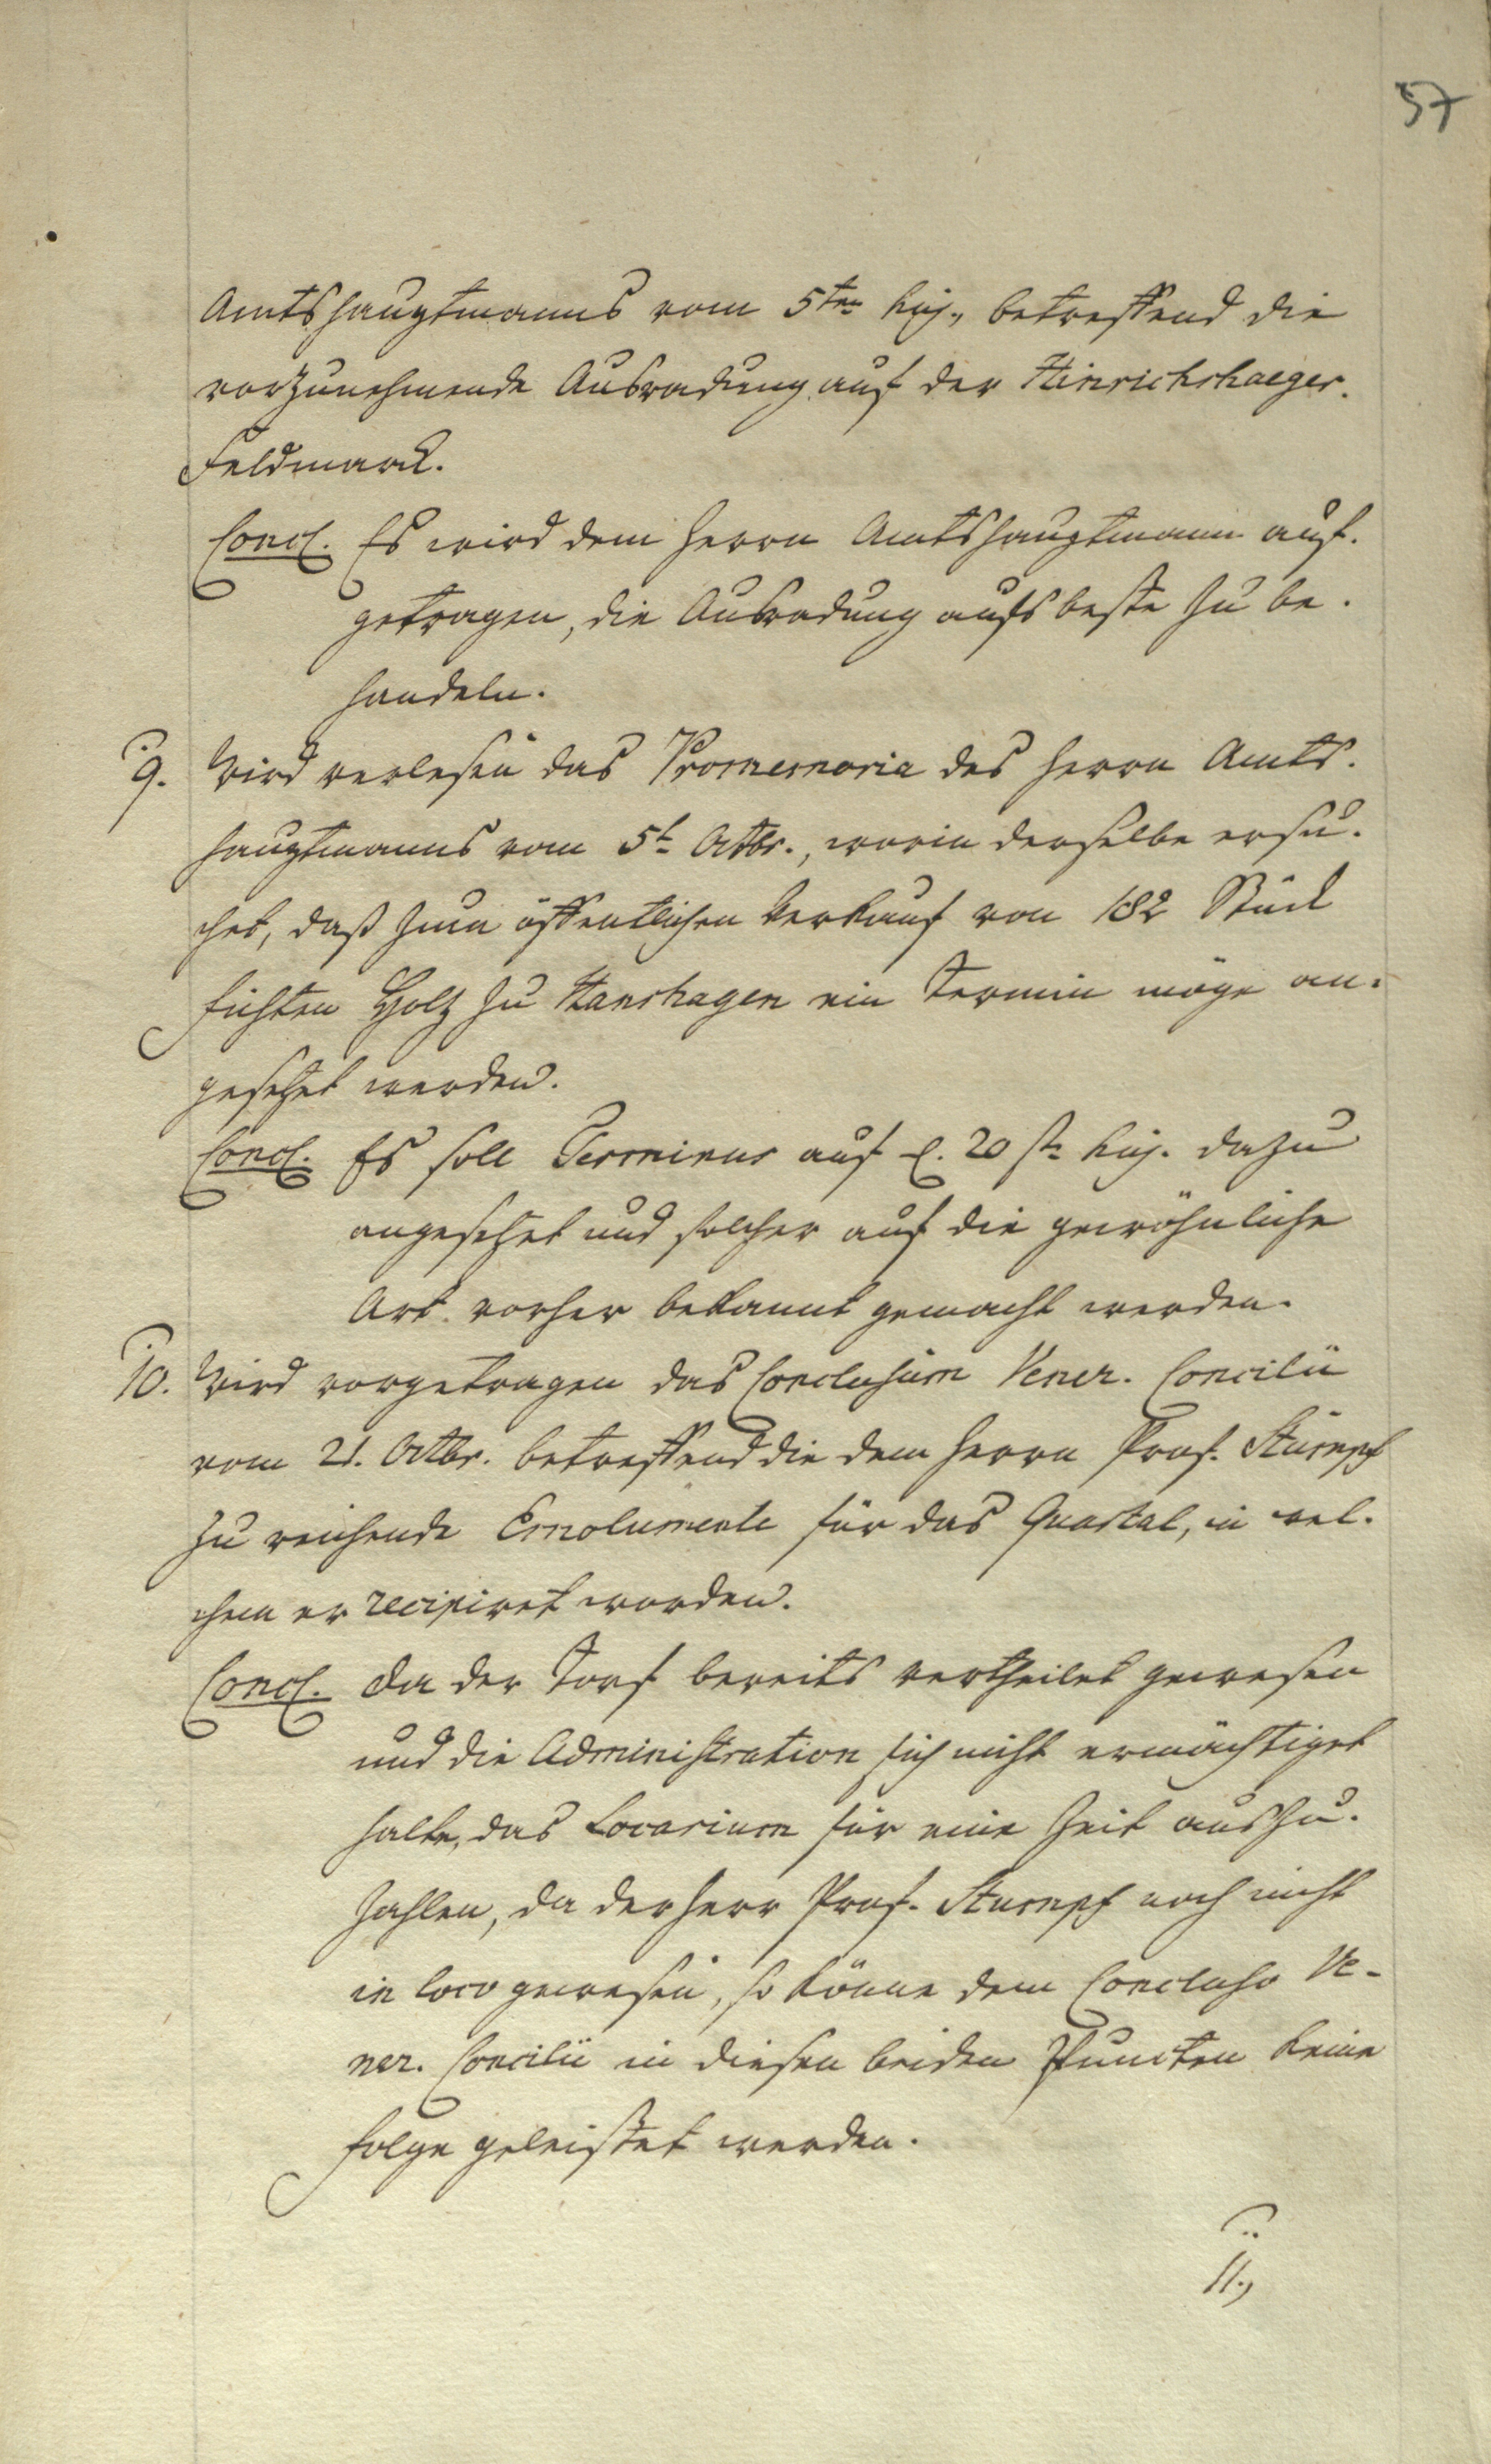Amtshauptmanns vom 5 ten huj., betreffend die
vorzunehmende Auradung auf der Hinrichshaeger.
Feldmarck
Concl. Es wird dem Herrn Amtshauptmann auf
getragen, die Ausradung aufs beste zu be¬
handeln.
9. Wird verlesen das Promemoria des Herrn Amts¬
hauptmanns vom 5 Octbr., worin derselbe ersu¬
chet, daß zum öffentlichen Verkauf von 182 Stück
Fichten Holz zu Hanshagen ein Termin möge an¬
gesetzet werden.
Concl. Es soll Terminus auf d. 20 st. huj. dazu
angesetzet und solcher auf die gewöhnliche
Art vorher bekannt gemacht werden.
10. Wird vorgetragen das Conclusum Vener. Concilii
vom 21. Octbr. betreffend die dem Herrn Prof. Stumpf
zu reichende Emolumente für das Quartal, in wel¬
chem er recipiret worden.
Concl. Da der Torf bereits vertheilet gewesen
und die Administration sich nicht ermächtiget
halte, das Locarium für eine Zeit anszu¬
zahlen, da der Herr Prof. Stumpf noch nicht
in loco gewesen, so könne dem Concluso Ve¬
ner. Concilii in diesen beiden Puncten keine
Folge geleistet werden.
11.,